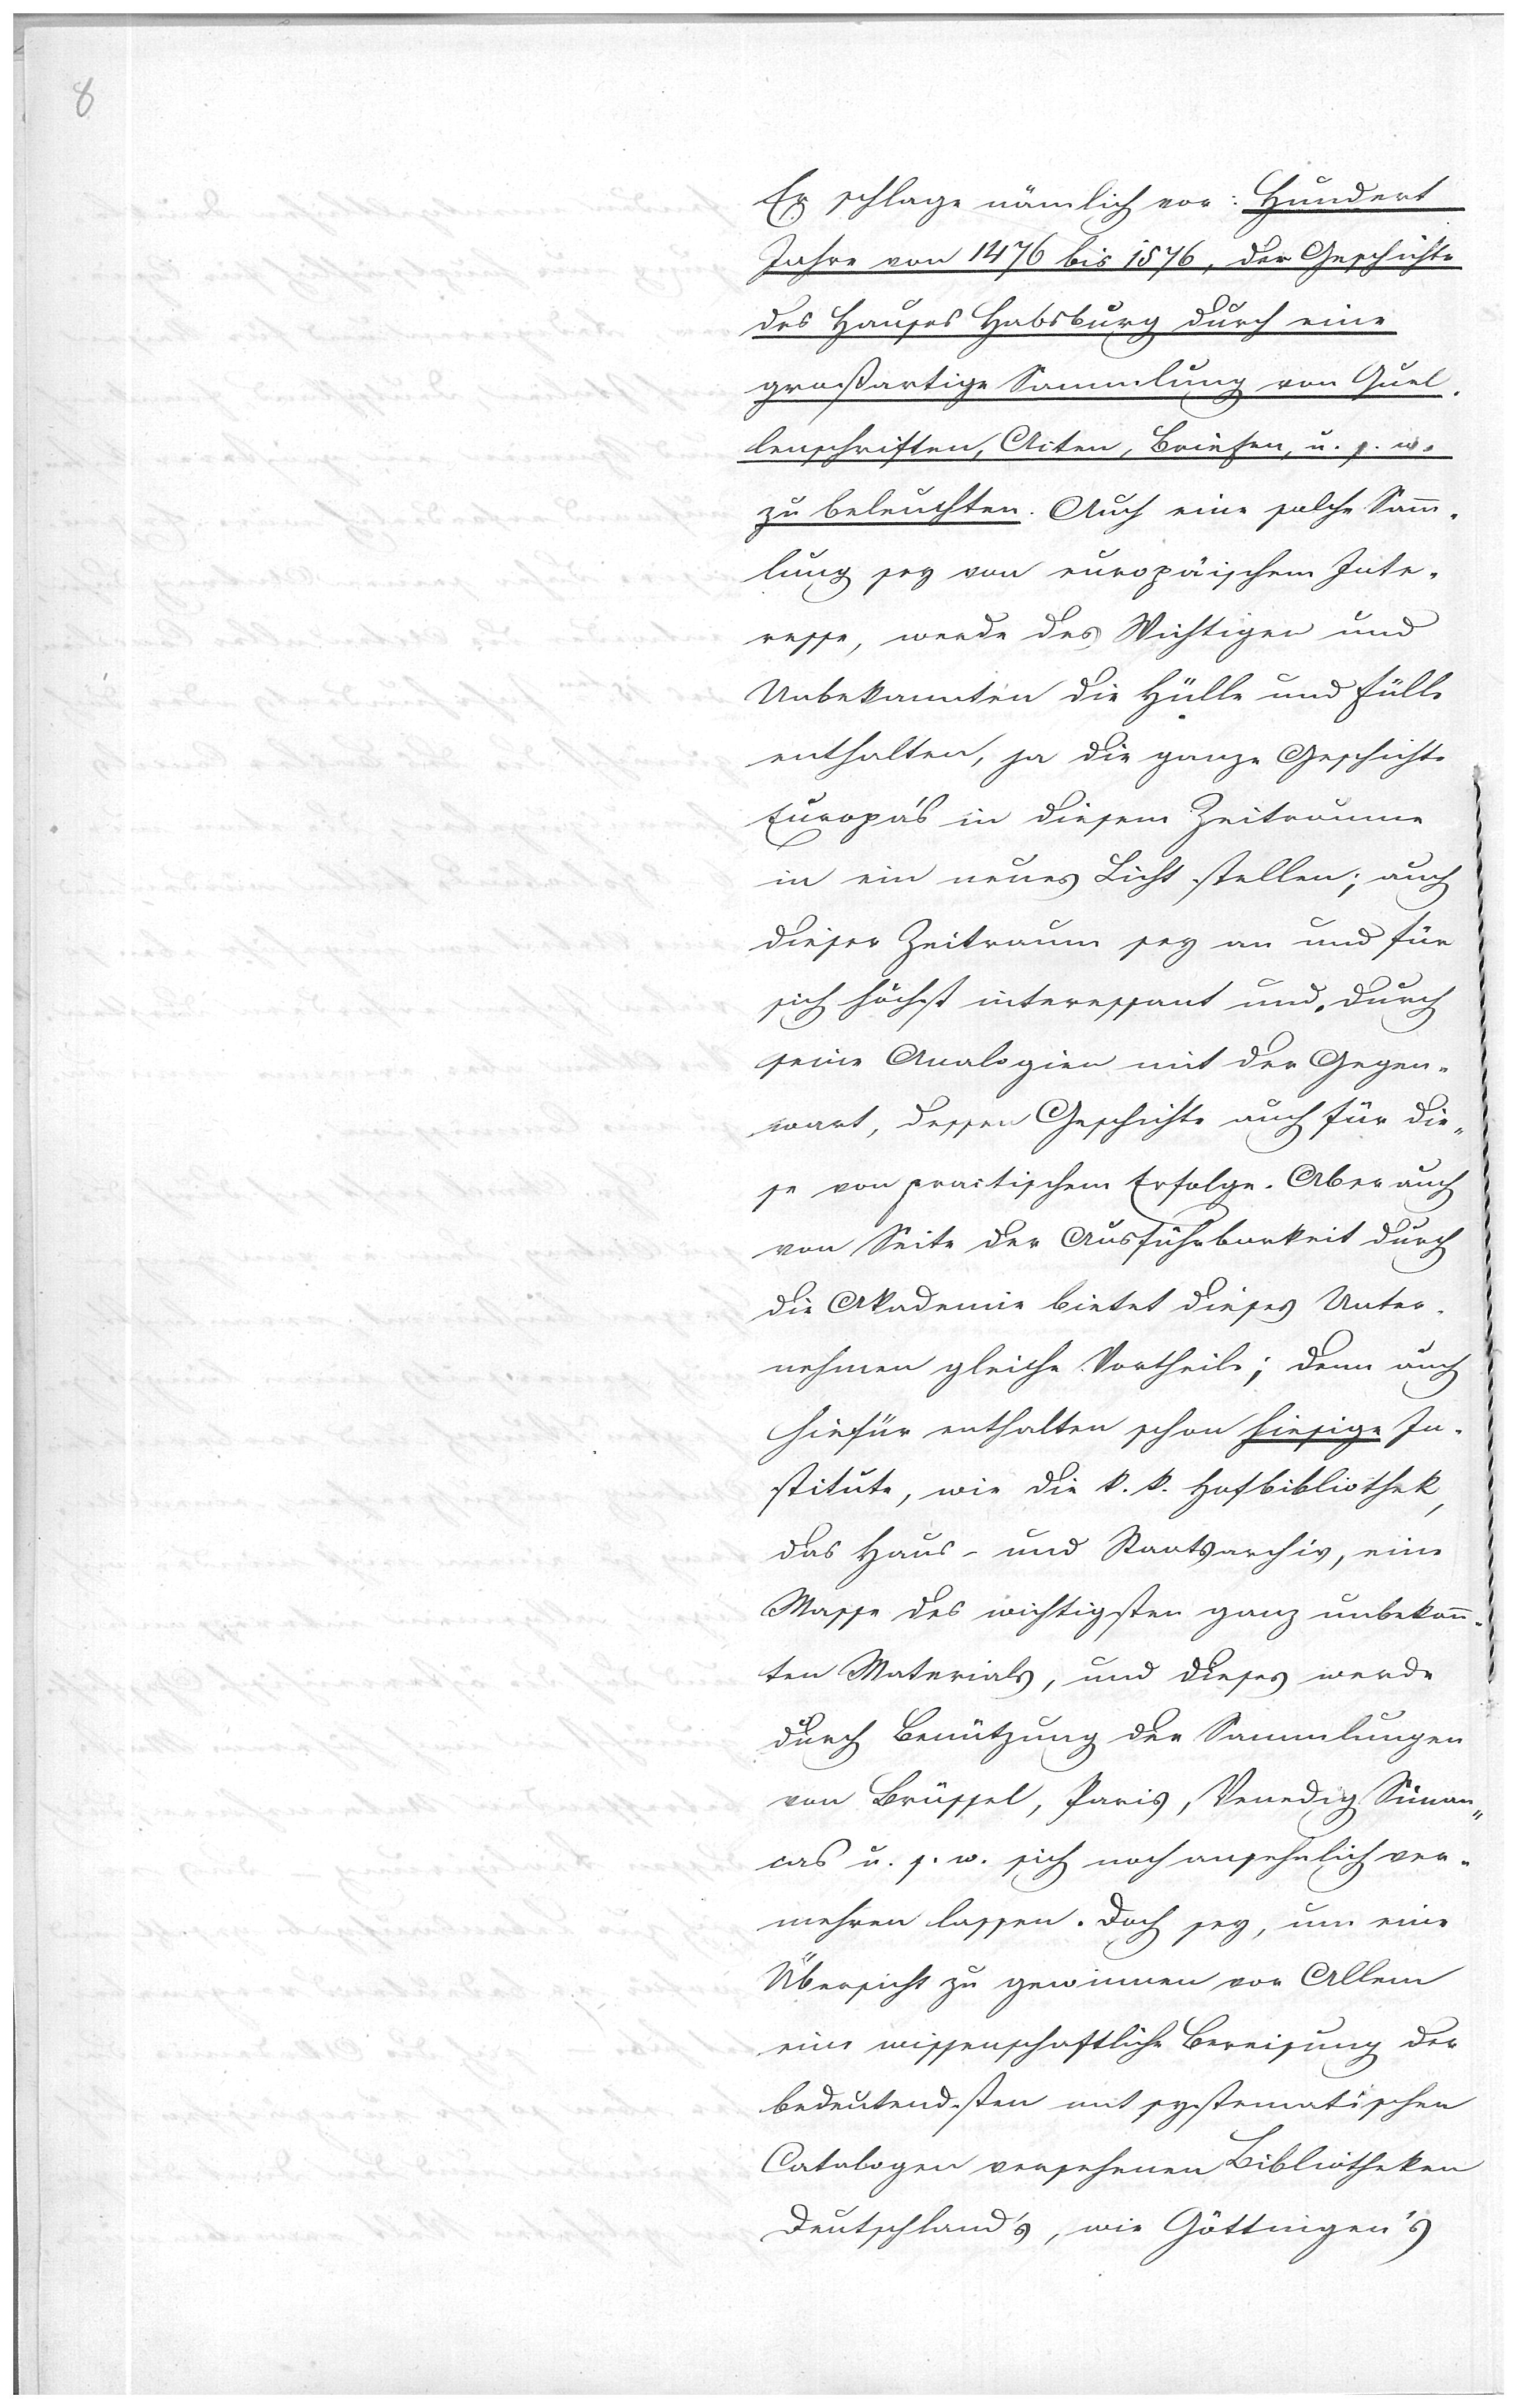Es schlage nämlich vor: Hundert
Jahre von 1476 bis 1576, der Geschichte
des Hauses Habsburg durch eine
großartige Sammlung von Quel-
lenschriften, Acten, Briefen, u.s.w.
zu beleuchten. Auch eine solche Samm-
lung sey von europäischem Inte-
resse, werde des Wichtigen und
Unbekannten die Hülle und Fülle
enthalten, ja die ganze Geschichte
Europa's in diesem Zeitraume
in ein neues Licht stellen; auch
dieser Zeitraum sey an und für
sich höchst interessant und, durch
seine Analogien mit der Gegen-
wart, dessen Geschichte auch für die-
se von practischem Erfolge. Aber auch
von Seite der Ausführbarkeit durch
die Akademie bietet dieses Unter-
nehmen gleiche Vortheile; denn auch
hiefür enthalten schon hiesige In-
stitute, wie die k.k. Hofbibliothek,
das Haus- und Staatsarchiv, eine
Masse des wichtigsten ganz unbekan-
ten Materials, und dieses werde
durch Benützung der Sammlungen
von Brüssel, Paris, Venedig, Siman-
cas u. s. w. sich noch ansehnlich ver-
mehren lassen. Doch sey, um eine
Übersicht zu gewinnen vor Allem
eine wissenschaftliche Bereisung der
bedeutendsten mit systematischen
Catalogen versehenen Bibliotheken
Deutschland's, wie Göttingen's